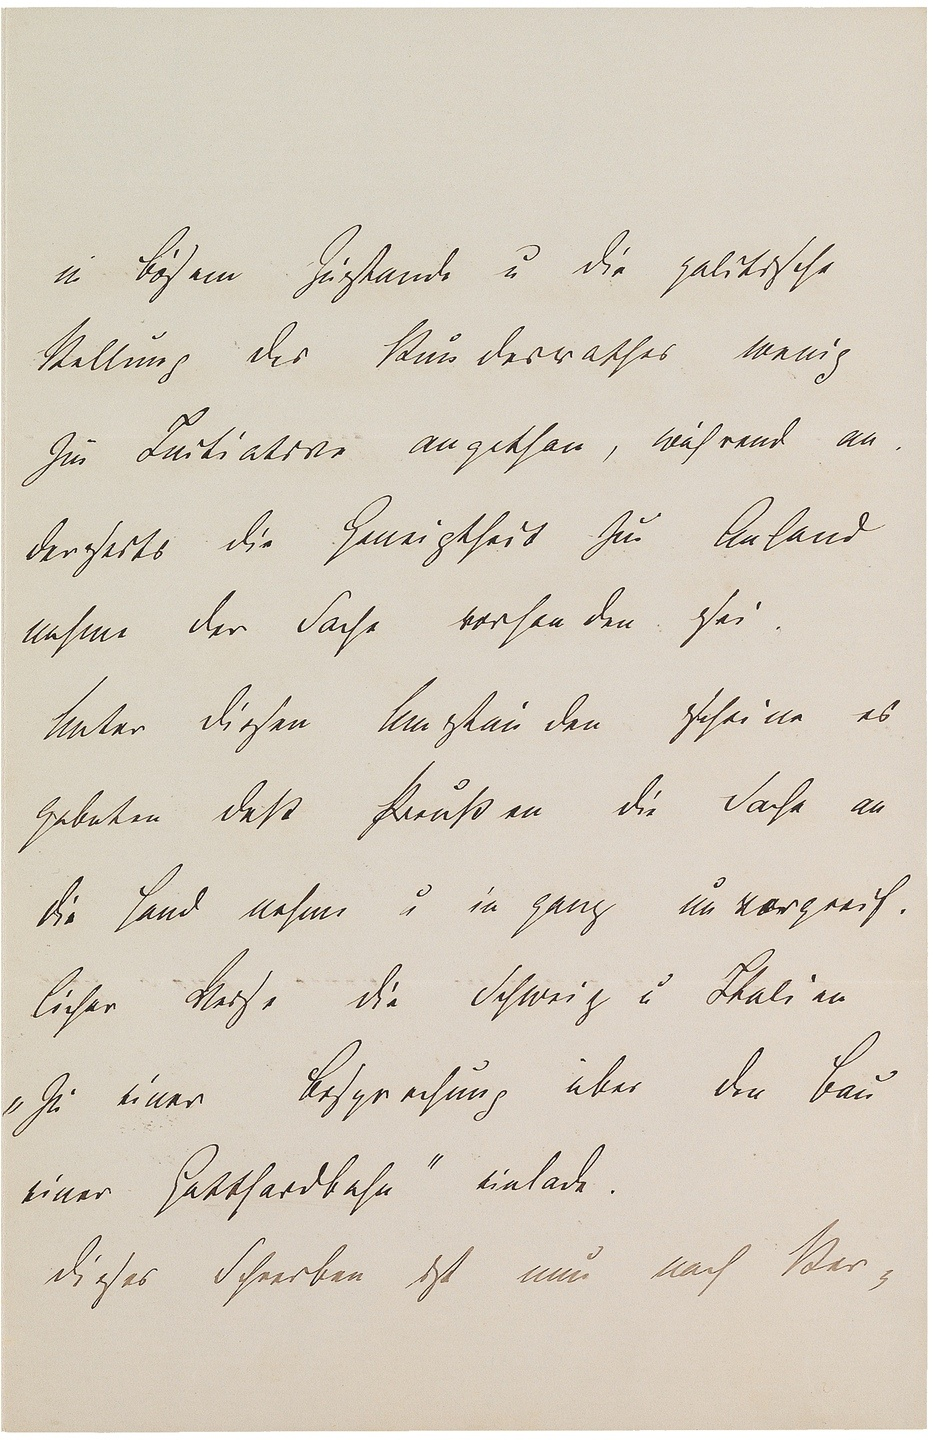in bösem Zustande u die politische
Stellung des Bundesrathes wenig
zur Initiative angethan, während an-
derseits die Geneigtheit zur Anhand-
nahme der Sache vorhanden sei.
Unter diesen Umständen scheine es
geboten daß Preußen die Sache an
die Hand nehme u in ganz unvorgreif-
licher Weise die Schweiz u Italien
«zu einer Besprechung über den Bau
einer Gotthardbahn» einlade.
Dieses Schreiben ist nun nach Ber-